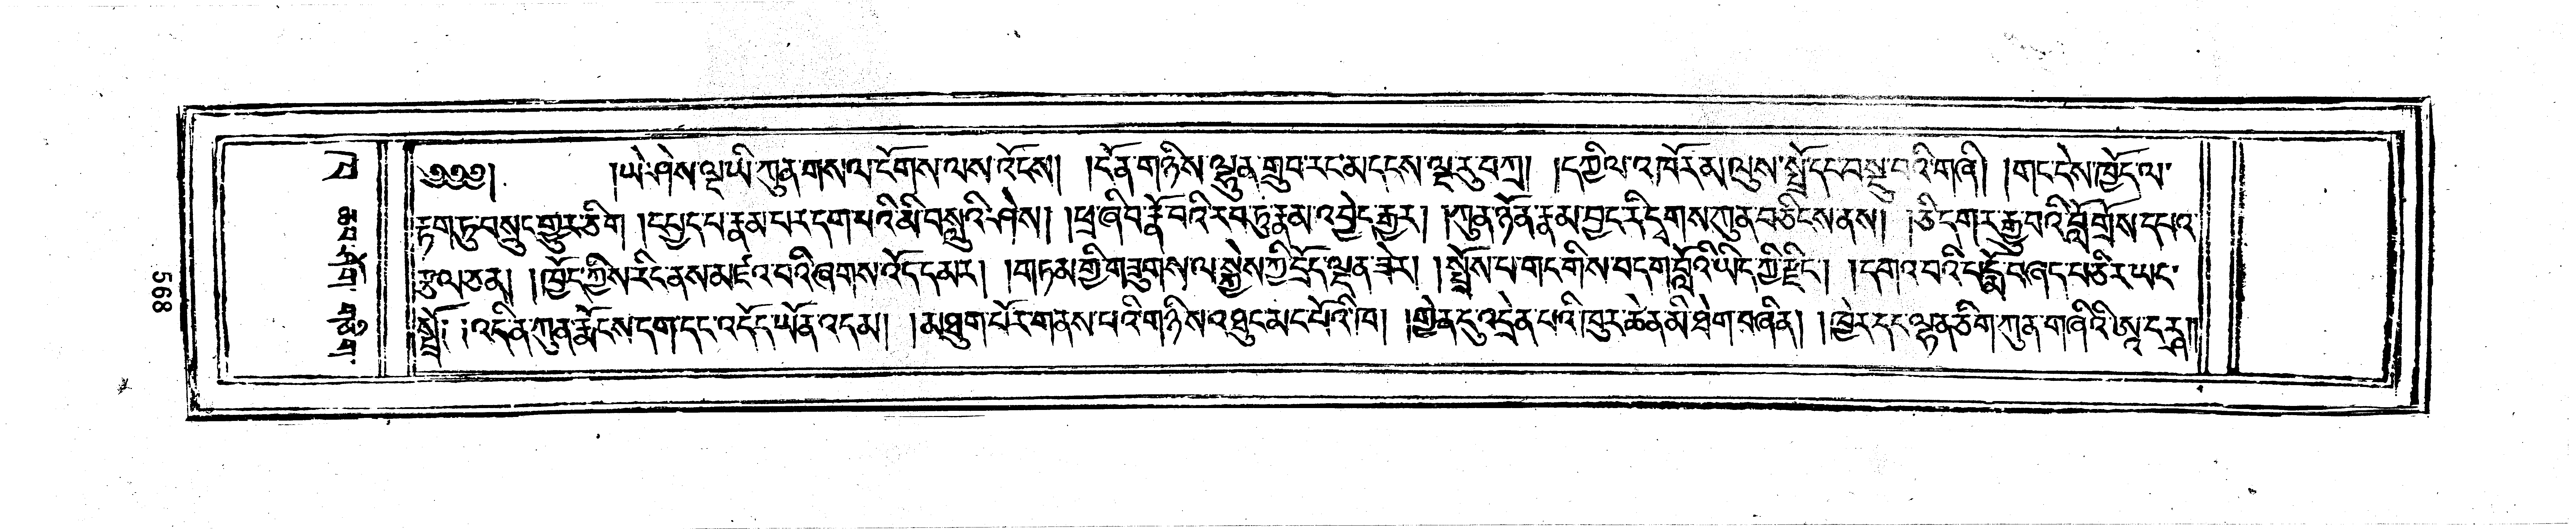༄༅༅། །ཡེ་ཤེས་ལྔ་ཡི་ཀུན་གསལ་ངོགས་ལས་འོངས། །དོན་གཉིས་ལྷུན་གྲུབ་རང་མདངས་ལྔ་རུ་བཀྲ། །དཀྱིལ་འཁོར་མ་ལུས་སྤྲོ་དང་བསྡུ་བའི་གཞི། །གང་ངེས་ཁྱོད་ལ་
རྟག་ཏུ་བསྲུང་གྱུར་ཅིག །དཔྱད་པ་རྣམ་པར་དག་པའི་མི་བསླུའི་ཤེས། །ཕྲ་ཞིབ་རྣོ་བའི་རབ་ཏུ་རྣམ་འབྱེད་རྒྱར། །ཀུན་ཉོན་རྣམ་བྱང་རི་དྭགས་ཀུན་བཅིངས་ནས། །ཅི་དགར་རྒྱུ་བའི་བློ་གྲོས་དཔའ་
རྩལ་ཅན། །ཁྱོད་ཀྱིས་རིང་ནས་མཛའ་བའི་ཞགས་འོད་དམར། །གཏམ་གྱི་གཟུགས་ལ་སྐྱེས་ཀྱི་དྲོད་ལྡན་ཟེར། །སྤྲོས་པ་གང་གིས་བདག་བློའི་ཡིད་ཀྱི་རྫིང་། །དགའ་བའི་པདམོ་བཞད་པ་ཅིར་ཡང་
སྤྲོ༑ ༑འདི་ན་ཀུན་རྨོངས་དག་དང་འདོད་ཡོན་འདམ། །མཐུག་པོར་གནས་པའི་གཉིས་འཐུང་མང་པོའི་ཁ། །གྱེན་དུ་འདྲེན་པའི་ཁུར་ཆེན་མི་ཐེག་བཞིན། །ཁྱེར་དང་ལྷན་ཅིག་ཀུན་གཞིའི་ཨཱ་ང་རྵ།།